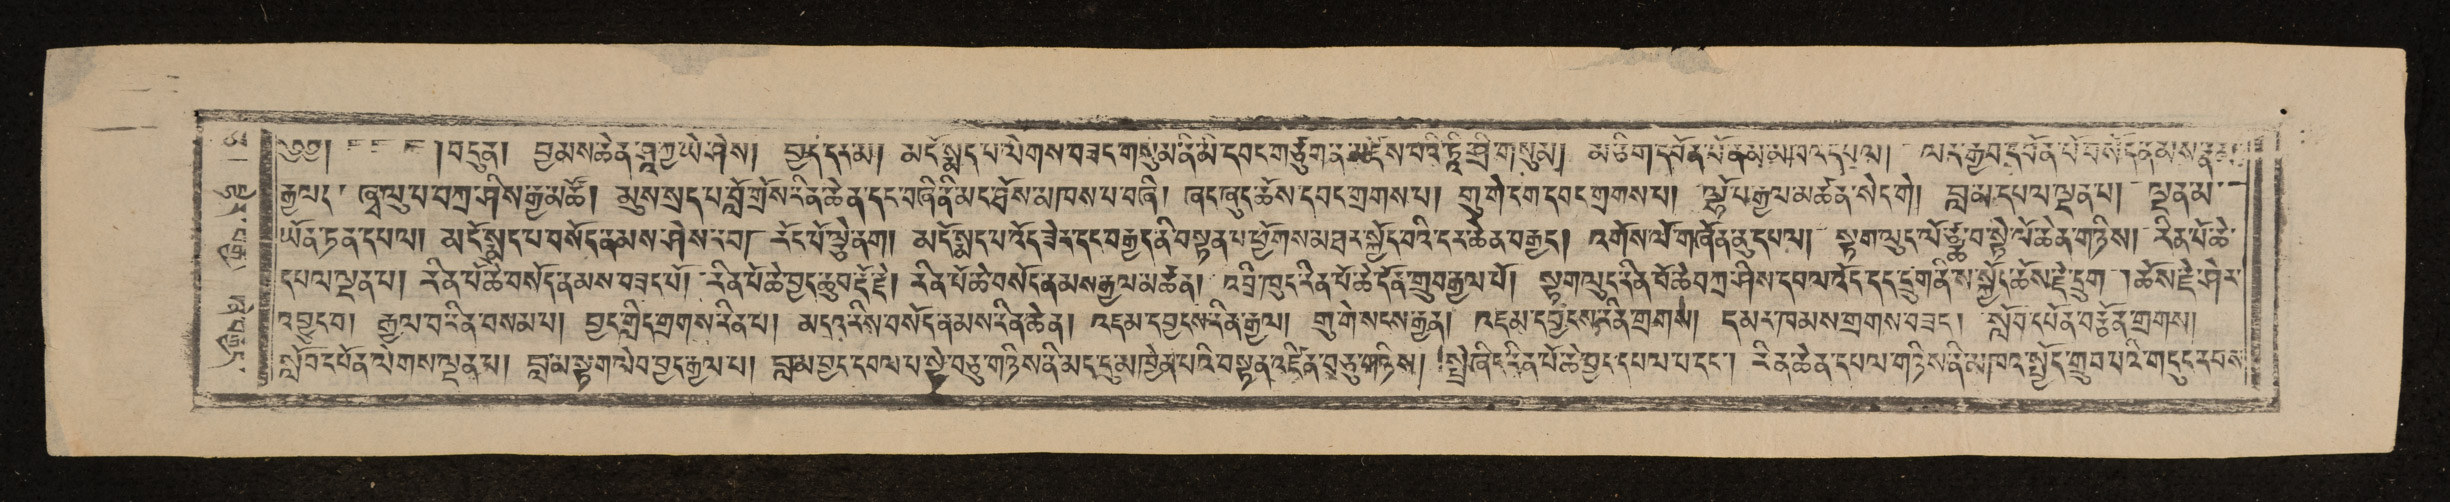༄༅། །བདུན། བྱམས་ཆེན་ཤཱཀྱ་ཡེ་ཤེས། བྱང་དར་མ། མདོ་སྨད་པ་ལེགས་བཟང་གསུམ་ནི་མི་དབང་གཙུག་ན་མཛེས་པའི་ཏཱི་ཤྲི་གསུམ། མ་ཅིག་དཔོན་པོ་ནམ་མཁའ་དཔལ། ཡར་རྒྱབ་དཔོན་པོ་བསོད་ནམས་རྣམ་
རྒྱལ༑ ཞྭ་ལུ་པ་བཀྲ་ཤིས་རྒྱ་མཚོ། མུས་སྲད་པ་བློ་གྲོས་རིན་ཆེན་དང་བཞི་ནི་མང་ཐོས་མཁས་པ་བཞི། ཞང་ཞུང་ཆོས་དབང་གྲགས་པ། གུ་གེ་ངག་དབང་གྲགས་པ། ལྷོ་པ་རྒྱལ་མཚན་སེང་གེ། བླ་མ་དཔལ་ལྡན་པ། ལྡན་མ་
ཡོན་ཏན་དཔལ། མདོ་སྨད་པ་བསོད་ནམས་ཤེས་རབ། རོང་པོ་ལྕེ་ནག། མདོ་སྨད་པ་འོད་ཟེར་དང་བརྒྱད་ནི་བསྟན་པ་ཕྱོགས་མཐར་སྐྱོང་བའི་དར་ཆེན་བརྒྱད། འགོས་ལོ་གཞོན་ནུ་དཔལ། སྟག་ལུང་ལོ་ཙྪ་བ་སྟེ་ལོ་ཆེན་གཉིས། རིན་པོ་ཆེ་
དཔལ་ལྡན་པ། རིན་པོ་ཆེ་བསོད་ནམས་བཟང་པོ། རིན་པོ་ཆེ་བྱང་ཆུབ་རྡོ་རྗེ། རིན་པོ་ཆེ་བསོད་ནམས་རྒྱལ་མཚན། འབྲི་ཁུང་རིན་པོ་ཆེ་དོན་གྲུབ་རྒྱལ་པོ། སྟག་ལུང་རིན་པོ་ཆེ་བཀྲ་ཤིས་དཔལ་འོང་དང་དྲུག་ནི་ས་སྐྱོང་ཆོས་རྗེ་དྲུག །ཆོས་རྗེ་ཤེར་
འབྱུང་བ། རྒྱལ་བ་རིན་བསམ་པ། བྱང་གླིང་གྲགས་རིན་པ། མངའ་རིས་བསོད་ནམས་རིན་ཆེན། འཇམ་དབྱངས་རིན་རྒྱལ། གུ་གེ་སངས་རྒྱན། འཇམ་དབྱངས་རིན་གྲགས། དམར་ཁམས་གྲགས་བཟང་། སློབ་དཔོན་བརྩོན་གྲགས།
སློབ་དཔོན་ལེགས་ལྡན་པ། བླ་མ་སྟག་ལེབ་བྱང་རྒྱལ་བ། བླ་མ་བྱང་དཔལ་པ་སྟེ་བཅུ་གཉིས་ནི་མང་དུ་མཁྱེན་པའི་བསྟན་འཛིན་བཅུ་གཉིས། སྤྲེ་ཞིང་རིན་པོ་ཆེ་བྱང་དཔལ་བ་དང་། རིན་ཆེན་དཔལ་གཉིས་ནི་མཁའ་སྤྱོད་གྲུབ་པའི་གདུང་རབས་